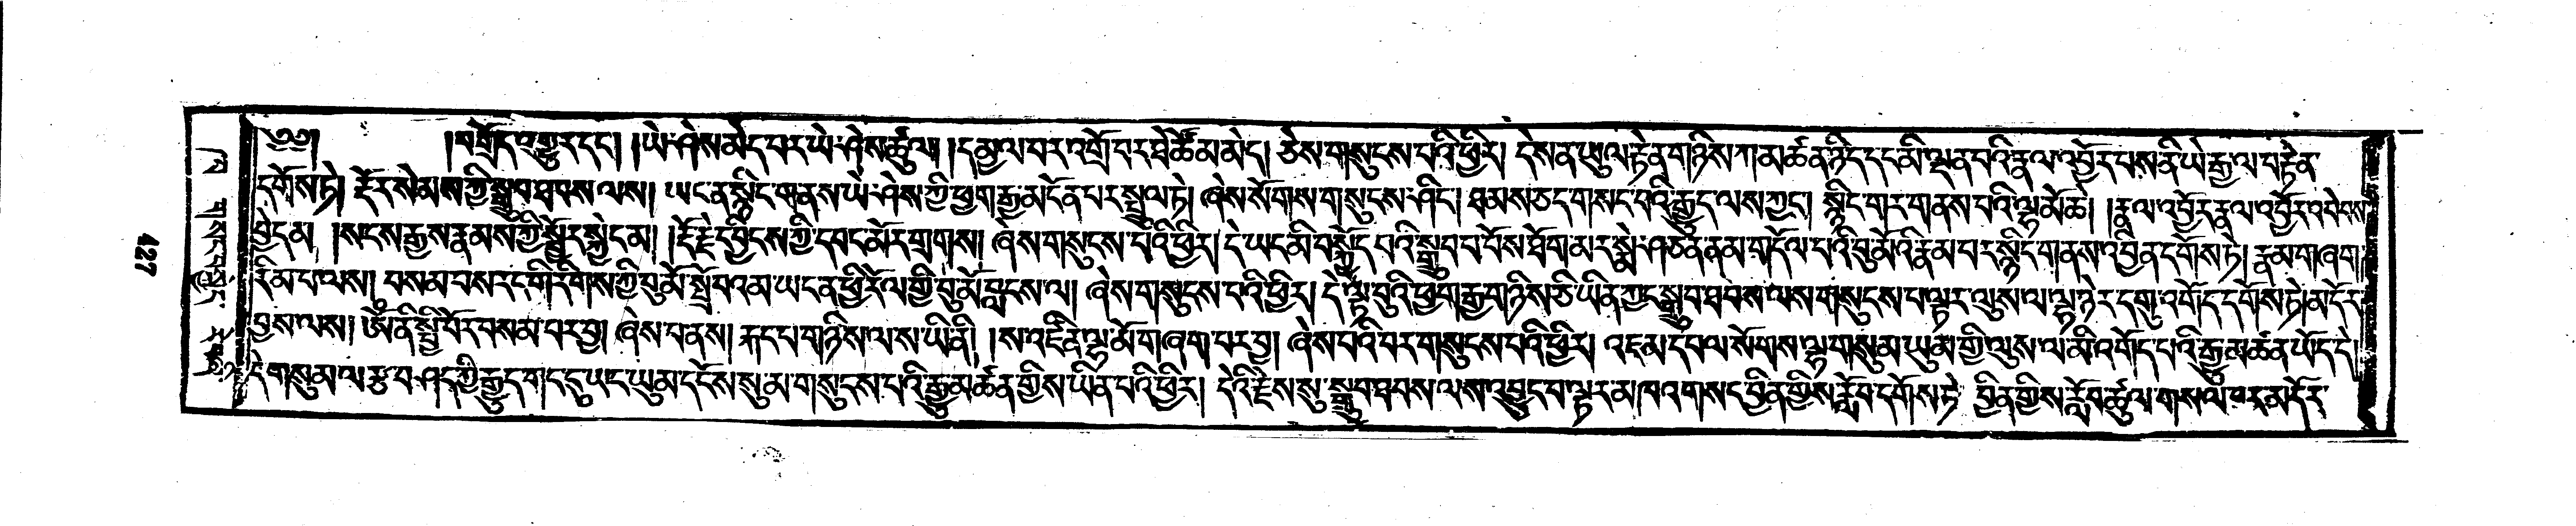༄༅། །བགྲོད་འགྱུར་དང་། །ཡེ་ཤེས་མེད་པར་ཡེ་ཤེས་ཚུལ། །དམྱལ་བར་འགྲོ་བར་ཐེ་ཚོམ་མེད། ཅེས་གསུངས་པའི་ཕྱིར། དེས་ན་ཡུལ་རྟེན་གཉིས་ཀ་མཚན་ཉིད་དང་མི་ལྡན་པའི་རྣལ་འབྱོར་པས་ནི་ཡེ་རྒྱ་ལ་བརྟེན་
དགོས་ཏེ། རྡོར་སེམས་ཀྱི་སྒྲུབ་ཐབས་ལས། ཡང་ན་སྙིང་གནས་ཡེ་ཤེས་ཀྱི་ཕྱག་རྒྱ་མངོན་པར་སྤྲུལ་ཏེ། ཞེས་སོགས་གསུངས་ཤིང་། ཐམས་ཅད་གསང་བའི་རྒྱུད་ལས་ཀྱང་། སྙིང་གར་གནས་པའི་ལྷ་མོ་ཆེ། །རྣལ་འབྱོར་རྣལ་འབྱོར་འབེབས་
བྱེད་མ། །སངས་རྒྱས་རྣམས་ཀྱི་སྦྱོར་སྐྱེད་མ། །རྡོ་རྗེ་དབྱིངས་ཀྱི་དབང་མོར་གྲགས། ཞེས་གསུངས་པའི་ཕྱིར། དེ་ཡང་མི་བསྐྱོད་པའི་སྒྲུབ་པ་པོས་ཐོག་མར་སྨེ་ཤ་ཅན་ནམ་གདོལ་པའི་བུ་མོའི་རྣམ་པར་སྙིང་གནས་འབྱིན་དགོས་ཏེ། རྣམ་གཞག་
རིམ་པ་ལས། བསམ་པས་རང་གི་རིགས་ཀྱི་བུ་མོ་སྤྲོ་བའམ་ཡང་ན་ཕྱི་རོལ་གྱི་བུ་མོ་བླངས་ལ། ཞེས་གསུངས་པའི་ཕྱིར། དེ་ལྟ་བུའི་ཕྱག་རྒྱ་གཉིས་ཅི་ཡིན་ཀྱང་སྒྲུབ་ཐབས་ལས་གསུངས་པ་ལྟར་ལུས་ལ་ལྷ་ཉེར་དགུ་འགོད་དགོས་ཏེ། མདོར་
བྱས་ལས། ཨོཾ་ནི་སྤྱི་བོར་བསམ་པར་བྱ། ཞེས་པ་ནས། རྐང་པ་གཉིས་ལས་ཡི་ནི། །ས་འཛིན་ལྷ་མོ་གཞག་པར་བྱ། ཞེས་པའི་བར་གསུངས་པའི་ཕྱིར། འཇམ་དཔལ་སོགས་ལྷ་གསུམ་ཡུམ་གྱི་ལུས་ལ་མི་འགོད་པའི་རྒྱུ་མཚན་ཡོད་དེ།
དེ་གསུམ་ལ་རྩ་བཤད་ཀྱི་རྒྱུད་གང་དུ་ཡང་ཡུམ་དངོས་སུ་མ་གསུངས་པའི་རྒྱུ་མཚན་གྱིས་ཡིན་པའི་ཕྱིར། དེའི་རྗེས་སུ་སྒྲུབ་ཐབས་ལས་འབྱུང་བ་ལྟར་མཁའ་གསང་བྱིན་གྱིས་རློབ་དགོས་ཏེ། བྱིན་གྱིས་རློབ་ཚུལ་གསལ་བར་མདོར་